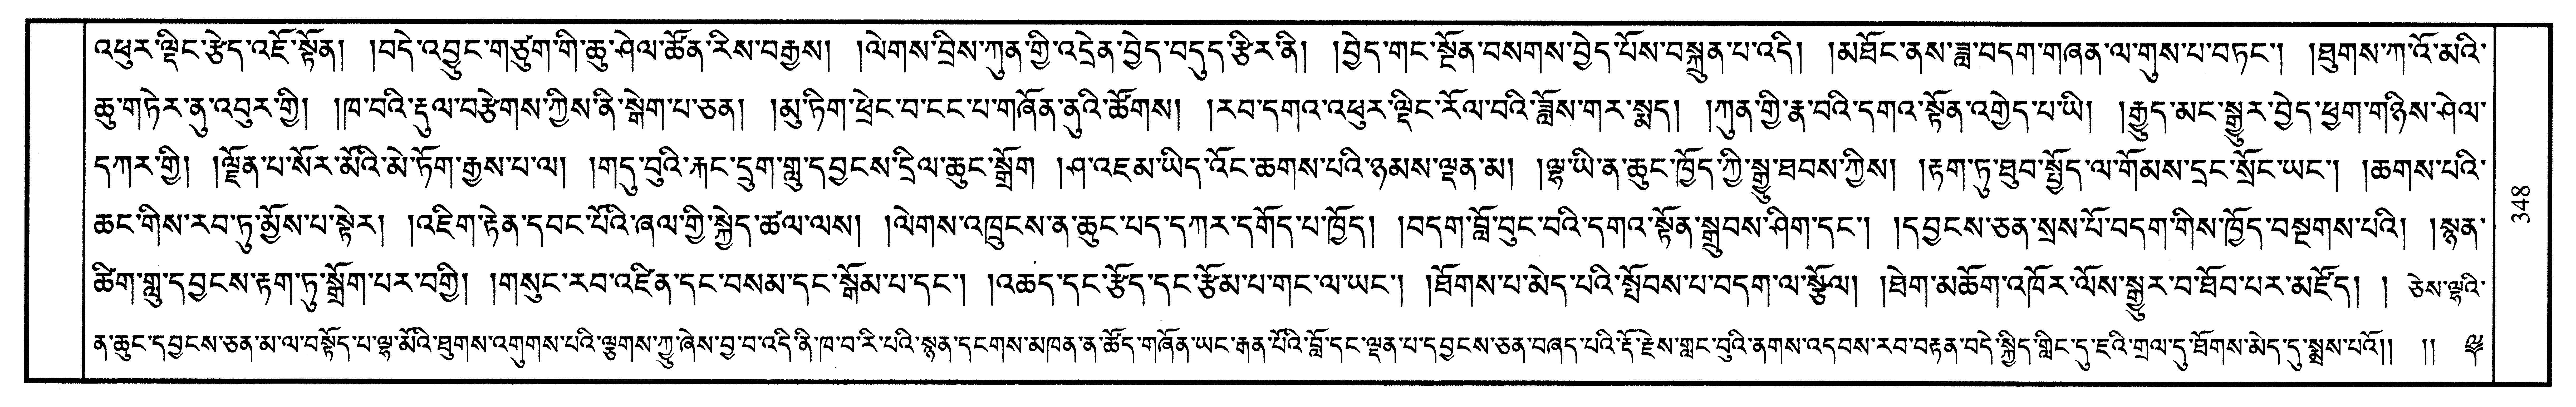འཕུར་ལྡིང་རྩེད་འཇོ་སྟོན། །བདེ་འབྱུང་གཙུག་གི་ཆུ་ཤེལ་ཚོན་རིས་བརྒྱས། །ལེགས་བྲིས་ཀུན་གྱི་འདྲེན་བྱེད་བདུད་རྩིར་ནི། །བྱེད་གང་སྔོན་བསགས་བྱེད་པོས་བསྐྲུན་པ་འདི། །མཐོང་ནས་ཟླ་བདག་གཞན་ལ་གུས་པ་བཏང་། །ཐུགས་ཀ་འོ་མའི་
ཆུ་གཏེར་ནུ་འབུར་གྱི། །ཁ་བའི་རྡུལ་བརྩེགས་ཀྱིས་ནི་སྒེག་པ་ཅན། །མུ་ཏིག་ཕྲེང་བ་ངང་པ་གཞོན་ནུའི་ཚོགས། །རབ་དགའ་འཕུར་ལྡིང་རོལ་བའི་ཟློས་གར་སྨད། །ཀུན་གྱི་རྣ་བའི་དགའ་སྟོན་འགྱེད་པ་ཡི། །རྒྱུད་མང་སྒྱུར་བྱེད་ཕྱག་གཉིས་ཤེལ་
དཀར་གྱི། །ལྗོན་པ་སོར་མོའི་མེ་ཏོག་རྒྱས་པ་ལ། །གདུ་བུའི་རྐང་དྲུག་གླུ་དབྱངས་དྲིལ་ཆུང་སྒྲོག །ཤ་འཇམ་ཡིད་འོང་ཆགས་པའི་ཉམས་ལྡན་མ། །ལྷ་ཡི་ན་ཆུང་ཁྱོད་ཀྱི་སྒྱུ་ཐབས་ཀྱིས། །རྟག་ཏུ་ཐུབ་སྤྱོད་ལ་གོམས་དྲང་སྲོང་ཡང་། །ཆགས་པའི་
ཆང་གིས་རབ་ཏུ་མྱོས་པ་སྟེར། །འཇིག་རྟེན་དབང་པོའི་ཞལ་གྱི་སྐྱེད་ཚལ་ལས། །ལེགས་འཁྲུངས་ན་ཆུང་པད་དཀར་དགོད་པ་ཁྱོད། །བདག་བློ་བུང་བའི་དགའ་སྟོན་སྒྲུབས་ཤིག་དང་། །དབྱངས་ཅན་སྲས་པོ་བདག་གིས་ཁྱོད་བསྔགས་པའི། །སྙན་
ཚིག་གླུ་དབྱངས་རྟག་ཏུ་སྒྲོག་པར་བགྱི། །གསུང་རབ་འཛིན་དང་བསམ་དང་སྒོམ་པ་དང་། །འཆད་དང་རྩོད་དང་རྩོམ་པ་གང་ལ་ཡང་། །ཐོགས་པ་མེད་པའི་སྤོབས་པ་བདག་ལ་སྩོལ། །ཐེག་མཆོག་འཁོར་ལོས་སྒྱུར་བ་ཐོབ་པར་མཛོད། །ཅེས་ལྷའི་
ན་ཆུང་དབྱངས་ཅན་མ་ལ་བསྟོད་པ་ལྷ་མོའི་ཐུགས་འགུགས་པའི་ལྕགས་ཀྱུ་ཞེས་བྱ་བ་འདི་ནི་ཁ་བ་རི་པའི་སྙན་དངགས་མཁན་ཚོད་གཞོན་ཡང་རྒན་པོའི་བློ་དང་ལྡན་པ་དབྱངས་ཅན་བཞད་པའི་རྡོ་རྗེས་གླང་བུའི་ནགས་འདབས་རབ་བརྟན་བདེ་སྐྱིད་གླིང་དུ་ཇའི་གྲལ་དུ་ཐོགས་མེད་དུ་སྨྲས་པའོ།། །། ༈